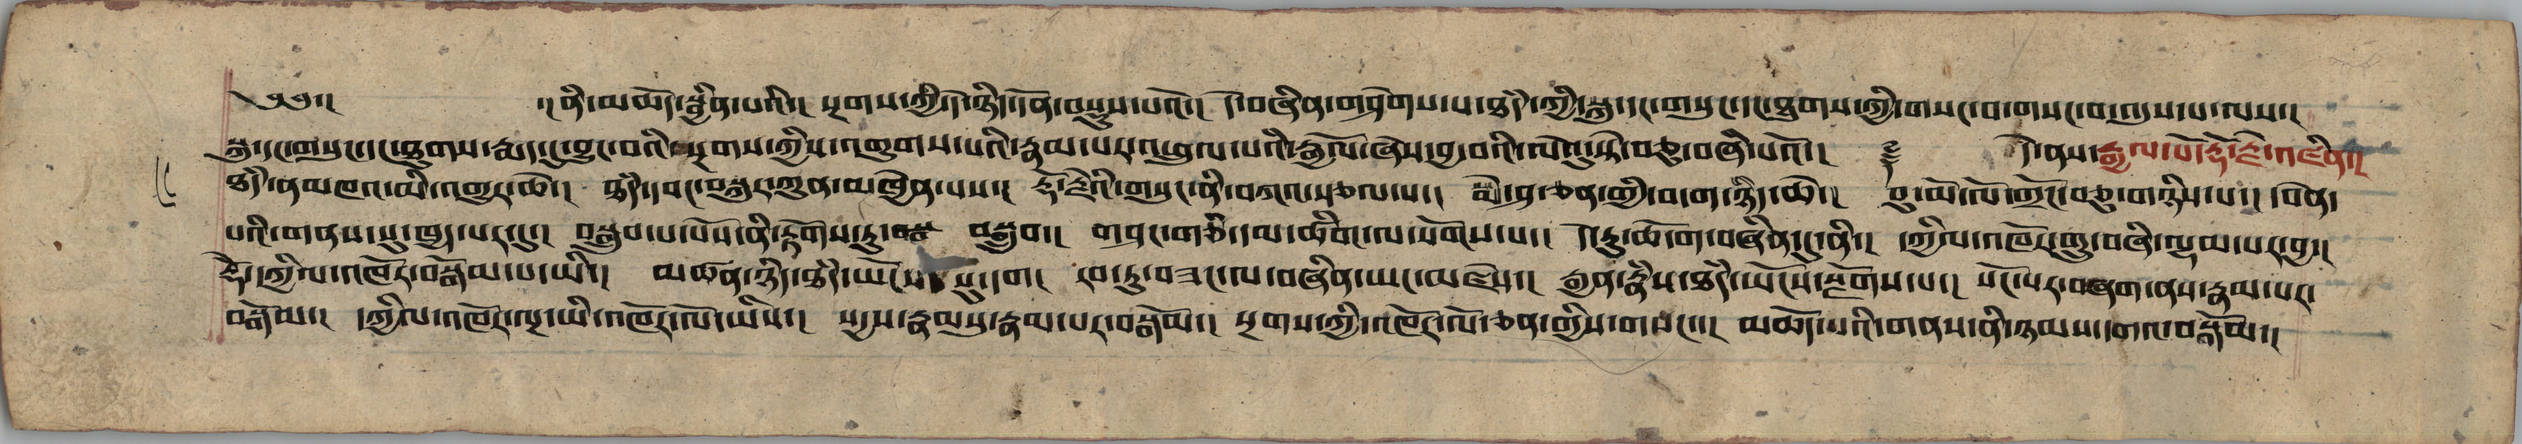༄༅་། ་།ནི་མཆོད་སྦྱིན་པའི་། སྔགས་ཀྱི་དེ་ཉིད་དོན་བསྡུས་པའོ་། དེ་བཞིན་གཤེགས་པ་ཐཾད་ཀྱི་སྐུ་དང་གསུང་དང་ཐུགས་ཀྱི་གསང་བ་གསང་བ་འདུས་པ་ལས་།
སྐུ་དང་གསུང་དང་ཐུགས་རྨད་དུ་བྱུང་བའི་སྔགས་ཀྱིས་འགུགས་པའི་རྣམ་པར་འཕྲུལ་པའི་རྒྱལོ་ཞེས་བྱ་བའི་ལེའུ་སྟེ་བཅུ་བཞི་པའོ་། ༈ དེ་ནས་རྒྱལ་པོ་རྡོ་རྗེ་འཛིན་
ཐཾད་ནམ་མཁའ་མི་འགྱུར་ཆེ་། ཐཾད་དབང་བསྐུར་ཀུན་མཁྱེན་པས་། རྡོ་རྗེའི་གསུང་ནི་བཀའ་སྩལ་པ་། སྨེ་ཤ་ཅན་གྱི་བདག་ཉིད་ཆེ་། བུ་མོ་ལོ་གྲོང་བཅུ་གཉིས་པ་། དབེན་
པའི་གནས་སུ་ཁྱད་པར་དུ་། བསྒྲུབ་པ་པོས་ནི་རྟོགས་ཏུ་ བསྒྲུབ་། གཤང་གཅི་དམ་ཚིག་ལ་སོགས་པ་། དེ་རུ་ཆོ་ག་བཞིན་དུ་ནི་། དཀྱིལ་འཁོར་གྲུ་བཞི་ལྷམ་པར་བྱ་།
རྡོེ་དཀྱིལ་འཁོར་བསྒོམ་པ་ཡི་། མཚན་ཉིད་ཐཾད་ཡོངས་སུ་དག། རབ་ཏུ་བཟང་ལ་བཞིན་ཡང་མཛེས་། རྒྱན་རྣཾས་ཐཾད་ཡོངས་སྫོགས་པ་། སོང་པར་བཞག་ནས་རྣམ་པར་
བསྒོམ་། དཀྱིལ་འཁོར་ལྔ་ཡི་འཁོར་ལོ་ཡིས་། སདྱས་རྣམསུ་རྣམ་པར་བསྒོམ་། སྔགས་ཀྱི་འཁོར་ལོ་ཅན་གྱིས་གསང་་། མཆོད་པའི་གནས་ནི་ཉམས་དགའ་བསྒོམ་།